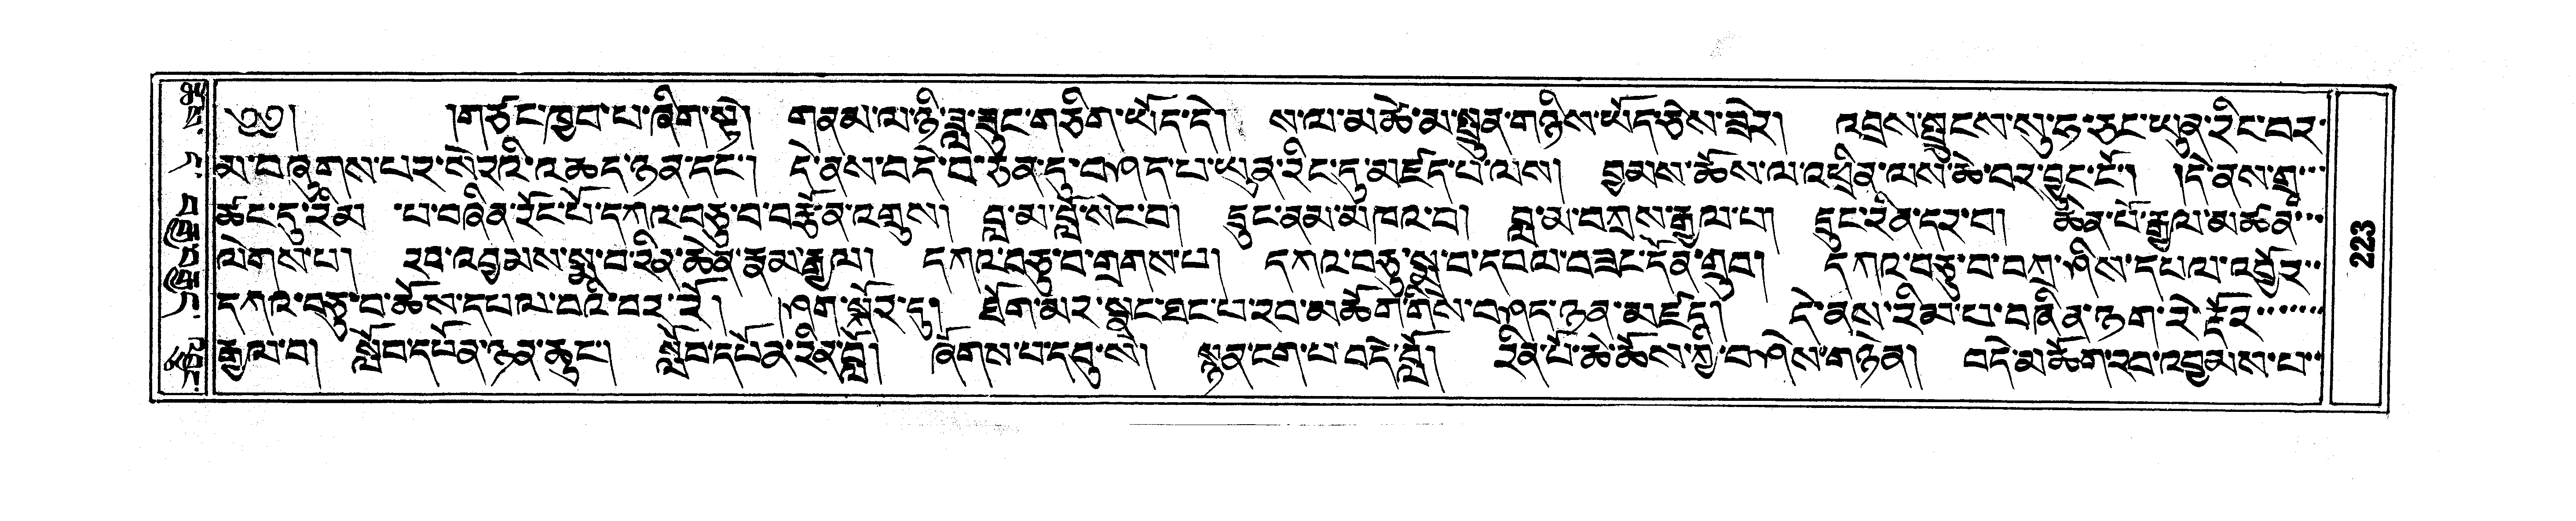༄༅། །གཙང་ཁྱབ་པ་ཞིག་སྟེ། གནམ་ལ་ཉི་ཟླ་ཟུང་གཅིག་ཡོད་དེ། ས་ལ་མཚེ་མ་སྤྲུན་གཉིས་ཡོད་ཅེས་ཟེར། འབྲས་སྤྲུངས་སུ་ཧ་ཅང་ཡུན་རིང་བར་
མ་བཞུགས་པར་སེ་རའི་འཆད་ཉན་དང་། དེ་ནས་བདེ་བ་ཅན་དུ་བཤད་པ་ཡུན་རིང་དུ་མཛད་པ་ལས། བྱམས་ཆོས་ལ་འཕྲིན་ལས་ཆེ་བར་བྱུང་ངོ། །དེ་ནས་གྲྭ་
ཚང་དུ་རིམ་པ་བཞིན་རོང་པོ་དཀའ་བཅུ་བ་བརྩོ་ན་འགྲུས། བླ་མ་བློ་སེང་བ། དྲུང་ནམ་མཁའ་བ། བླ་མ་བཀྲས་རྒྱལ་པ། དྲུང་རིན་དར་བ། ཆེན་པོ་རྒྱལ་མཚན་
ལེགས་པ། རབ་འབྱམས་སྨ་བ་རིན་ཆེན་རྣམ་རྒྱལ། དཀའ་བཅུ་བ་གྲགས་པ། དཀའ་བཅུ་སྨྲ་བ་དབལ་བཟང་དོན་གྲུབ། དཀའ་བཅུ་བ་བཀྲ་ཤིས་དཔལ་འབྱོར་
དཀའ་བཅུ་བ་ཆོས་དཔལ་བའི་བར་རོ། །ཤག་སྐོར་དུ། ཐོག་མར་སྣང་ཐང་པ་རབ་མཆོག་གིས་བཤད་ཉན་མཛད། དེ་ནས་རིམ་པ་བཞིན་ཉག་རེ་རྡོར་
རྒྱལ་བ། སློབ་དཔོན་ཉན་ཆུང་། སློབ་དཔོན་རིན་བློ། ཞོགས་པ་དབུ་ས། སྙན་ངག་པ་བདེ་བློ། རིན་པོ་ཆེ་ཆོས་ཀྱི་བཤེས་གཉེན། བདེ་མཆོག་རབ་འབྱམས་པ་